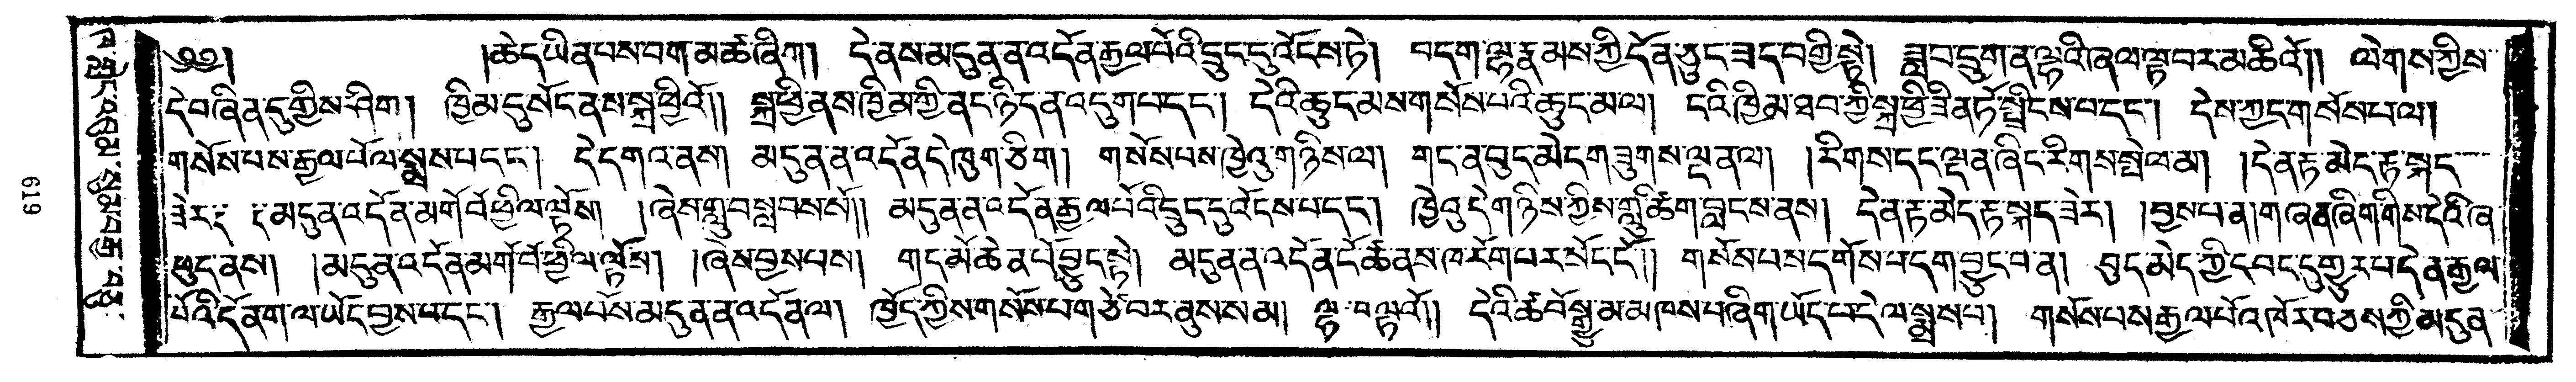༄༅། །ཆེད་ཡིན་པས་བག་མ་ཚ་ཞིག། དེ་ནས་མདུན་ན་འདོན་རྒྱལ་པོའི་དྲུང་དུ་འོངས་ཏེ། བདག་ལྷ་རྣམས་ཀྱི་དོན་ཅུང་ཟད་བགྱི་སྟེ། ཟླ་བ་དྲུག་ན་ལྷའི་ཞལ་ལྟ་བར་མཆིའོ།། ལེགས་ཀྱིས་
དེ་བཞིན་དུ་གྱིས་ཤིག། ཁྱིམ་དུ་སོང་ནས་སྐྲ་ཕྱིའོ།། སྐྲ་ཕྱི་ནས་ཁྱིམ་གྱི་ནང་ཉིད་ན་འདུག་པ་དང་། དེའི་ཆུང་མས་གསོས་པའི་ཆུང་མ་ལ། ངའི་ཁྱིམ་ཐབ་ཀྱི་སྐྲ་ཕྱི་ཟིན་ཏོ་སྤྲིངས་པ་དང་། དེས་ཀྱང་གསོས་པ་ལ།
གསོས་པས་རྒྱལ་པོ་ལ་སྨྲས་པ་དང་། དེ་དགའ་ནས། མདུན་ན་འདོན་དེ་ཁུག་ཅིག། གསོས་པས་ཁྱེའུ་གཉིས་ལ། གང་ན་བུད་མེད་གཟུགས་ལྡན་ལ། །རིགས་དང་ལྡན་ཞིང་རིགས་སྤེལ་མ། །དེ་ན་རྟ་མེད་རྟ་སྐད་
ཟེར༑ ༑མདུན་འདོན་མགོ་བོ་ཕྱི་ལྟོས། །ཞེས་གླུ་བ་བསླབས་སོ།། མདུན་ན་འདོན་རྒྱལ་པོའི་དྲུང་དུ་འོངས་པ་དང་། ཁྱེའུ་དེ་གཉིས་ཀྱིས་གླུ་ཚིག་བླངས་ནས། དེ་ན་རྟ་མེད་རྟ་སྐད་ཟེར། །བྱས་པ་ན། གཞན་ཞིག་གིས་དེའི་ཞྭ་
ཕུད་ནས། །མདུན་འདོན་མགོ་བོ་ཕྱི་ལ་ལྟོས། །ཞེས་བྱས་པས། གད་མོ་ཆེན་པོ་བྱུང་སྟེ། མདུན་ན་འདོན་ངོ་ཚ་ནས་ཁ་རོག་པར་སོང་ངོ།། གསོས་པས་དགོས་པ་དག་བྱུང་བ་ན། བུད་མེད་ཀྱི་དབང་དུ་གྱུར་པ་དེ་ན་རྒྱལ་
པོའི་དོན་ག་ལ་ཡོད་བྱས་པ་དང་། རྒྱལ་པོས་མདུན་ན་འདོན་ལ། ཁྱོད་ཀྱིས་གསོས་པ་གཙེ་བར་ནུས་སམ། ལྷ་བལྟའོ།། དེའི་ཚ་བོ་སྒྱུ་མ་མཁས་པ་ཞིག་ཡོད་པ་དེ་ལ་སྨྲས་པ། གསོས་པས་རྒྱལ་པོ་འཁོར་བཅས་ཀྱི་མདུན་